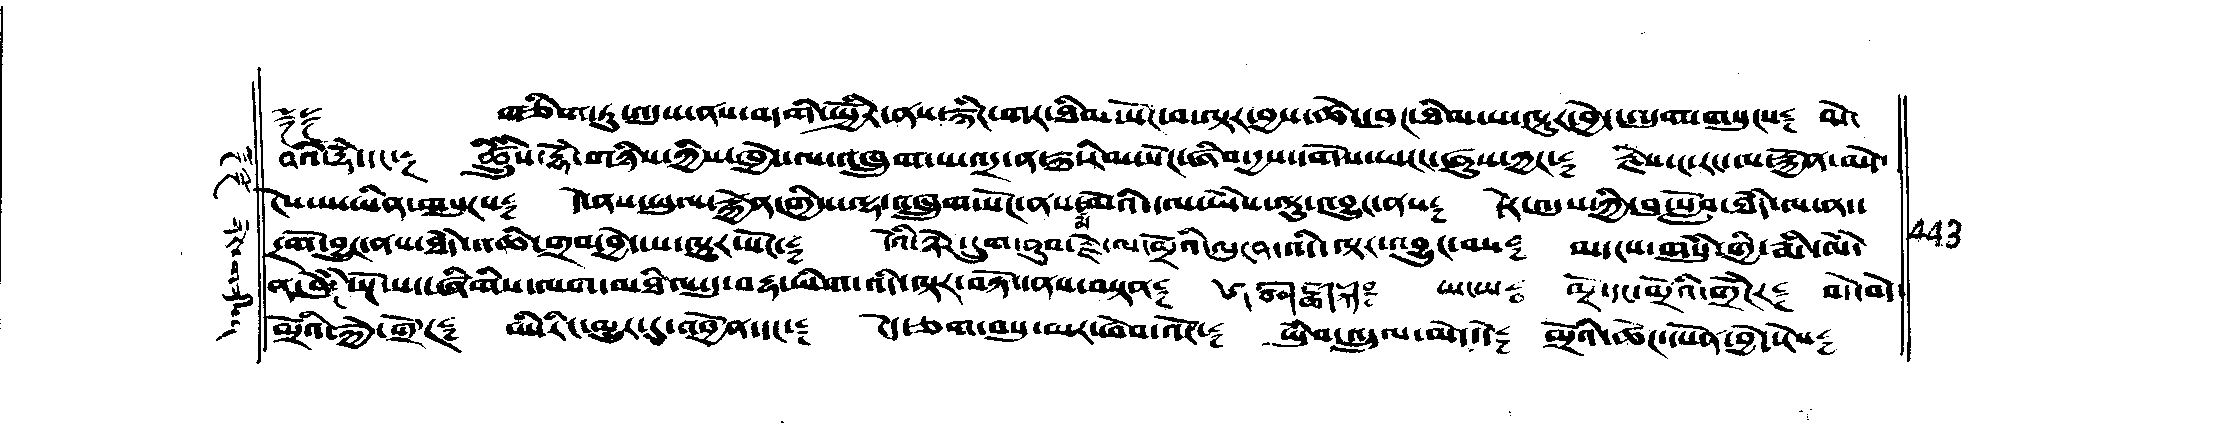གཅིག་ཏུ་འདུས་ནས་བདག་གི་སྤྱིར་བོར་ནས་སྙིང་གར་ཐིམ་སོང་བ་ལྟར་བྱས་ཚེ་དབུགས་ཐིམ་པ་ལྟ་བུར་བྱེད་འདུག་གསུངས། བདེ་
བའི་རྡོ་རྗེ་དང་། ཚུལ་ཁྲིམས་རྡོ་རྗེ་གཉིས་ཀྱིས་ཁྱོད་ལ་འཁྲུག་པ་འདྲ་ན་སྐུ་རིམ་སོགས་ཞིབ་རྒྱས་དགོས་ཡང་ཡང་ཞུས་ཀྱང་། རྗེས་ང་རང་ལ་སྐྱོན་མེད་
ངེས་པར་ཡིན་གསུངས། དེ་ནས་ཡུལ་རྐྱེན་གྱིས་ལྷ་འཁྲུག་སོང་ནས་མ་མོའི་དལ་ཡམས་ལྟ་བུ་བྱུང་ནས། དེར་འདུས་ཀྱི་བུ་སློབ་ཐམས་ཅད་ལ་ནད་
དྲག་པོ་བྱུང་ནས་ཐམས་ཅད་འཆི་གྲབས་བྱེད་པ་ལྟ་བུར་སོང་། དེའི་ཉེར་དྲུག་ནུབ། རྗེ་ལ་མཁའ་འགྲོའི་ལུང་བསྟན་འདི་ལྟར་བྱུང་བས། མདངས་གསུམ་གྱི་རྨི་ལམ་
ན་བུད་མེད་སྔོ་སང་ཞིག་གིས་ལག་མཐིལ་དུ་བརྡ་ཡིག་འདི་ལྟར་བཀོད་ནས་བསྟན།༼་་་་་་་་་་་་༽ ཡ་ཡཿ མཁའ་འགྲོ་དང་མཁའ་འགྲོའི་གྲོང་ཁྱེར། །བདེ་བདེ་
མཁའ་འགྲོའི་སྐྱོ་གྲོགས། །མི་རིང་མྱུར་དུ་འབྱོན་དང་། །ངེད་ཅག་བསུ་མར་ཕེབས་འོང་། །ཡབ་ཡུམ་འདུ་འབྲལ་མེད་དོ། །མཁའ་འགྲོའི་ཚོགས་དཔོན་བྱེད་ངེས།